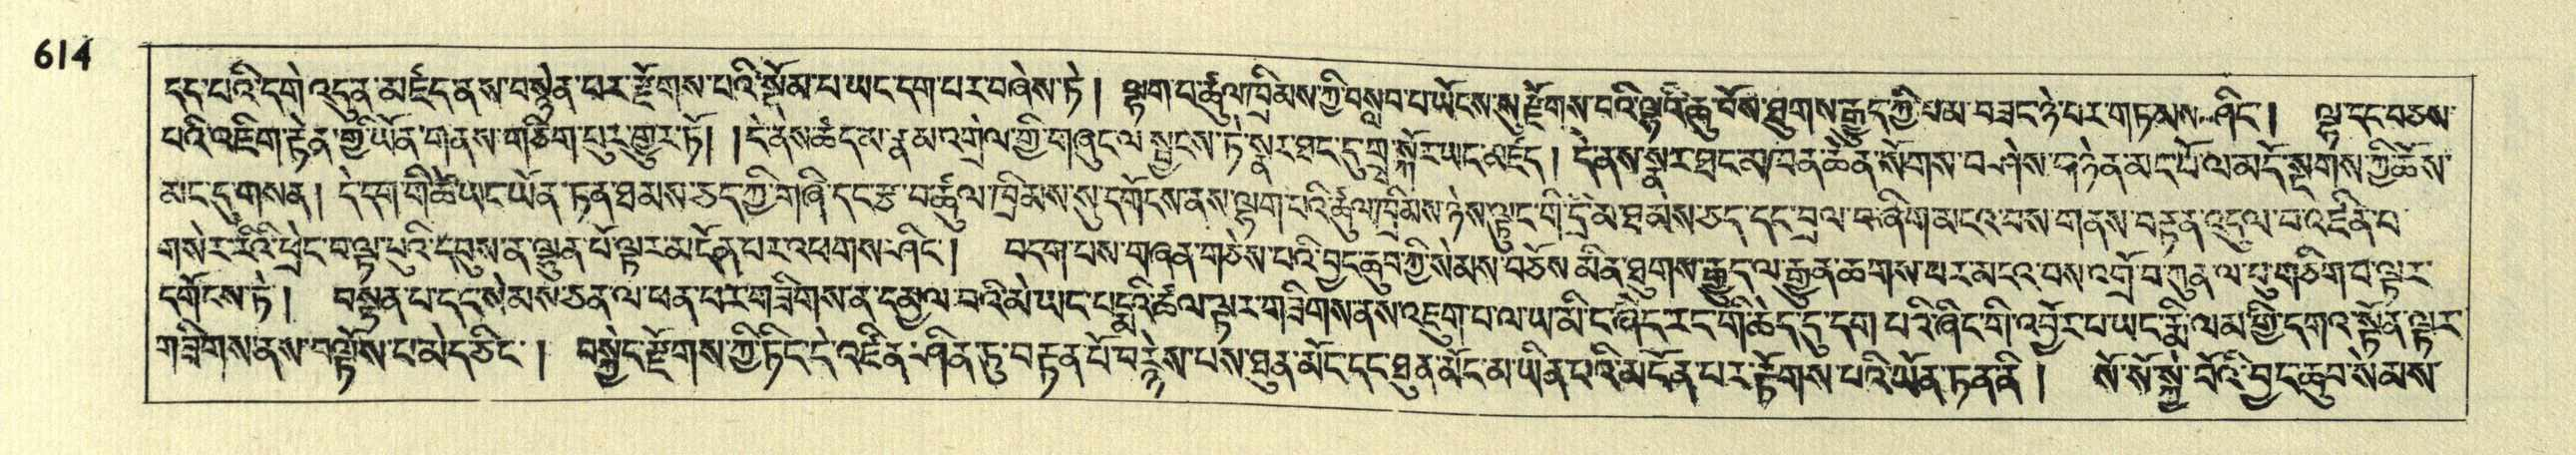དད་པའི་དགེ་འདུན་མཛད་ནས་བསྙེན་པར་རྫོགས་པའི་སྡོམ་པ་ཡང་དག་པར་བཞེས་ཏེ། ལྷག་པ་ཚུལ་ཁྲིམས་ཀྱི་བསླབ་པ་ཡོངས་སུ་རྫོགས་པའི་ལྷའི་ཆུ་བོས་ཐུགས་རྒྱུད་ཀྱི་བམ་བཟང་ཉེ་བར་གཏམས་ཤིང་། ལྷ་དང་བཅས་
པའི་འཇིག་རྟེན་གྱི་ཡོན་གནས་གཅིག་པུར་གྱུར་ཏོ། །དེ་ནས་ཚད་མ་རྣམ་འགྲེལ་གྱི་གཞུང་ལ་སྤྱངས་ཏེ་སྣར་ཐང་དུ་གྲྭ་སྐོར་ཡང་མཛད། དེ་ནས་སྣར་ཐང་མཁན་ཆེན་སོགས་བཤེས་གཉེན་མང་པོ་ལ་མདོ་སྔགས་ཀྱི་ཆོས་
མང་དུ་གསན། དེ་དག་གི་ཚེ་ཡང་ཡོན་ཏན་ཐམས་ཅད་ཀྱི་གཞི་དང་རྩ་བ་ཚུལ་ཁྲིམས་སུ་དགོངས་ནས་ལྷག་པའི་ཚུལ་ཁྲིམས་ཉེས་ལྟུང་གི་དྲི་མ་ཐམས་ཅད་དང་བྲལ་བ་ཞིག་མངའ་བས་གནས་བརྟན་འདུལ་བ་འཛིན་པ་
གསེར་རིའི་ཕྲེང་བ་ལྟ་པུའི་དབུས་ན་ལྷུན་པོ་ལྟར་མངོན་པར་འཕགས་ཤིང་། བདག་པས་གཞན་གཅེས་པའི་བྱང་ཆུབ་ཀྱི་སེམས་བཅོས་མིན་ཐུགས་རྒྱུད་ལ་རྒྱུན་ཆགས་པར་མངའ་བས་འགྲོ་བ་ཀུན་ལ་པུ་གཅིག་བ་ལྟར་
དགོངས་ཏེ། བསྟན་པ་དང་སེམས་ཅན་ལ་ཕན་པར་གཟིགས་ན་དམྱལ་བའི་མེ་ཡང་པདམའི་ཚལ་ལྟར་གཟིགས་ནས་འཇུག་པ་ལ་ཡ་མི་ང་ཞིང་རང་གི་ཆེད་དུ་དག་པའི་ཞིང་གི་འབྱོར་པ་ཡང་རྨི་ལམ་གྱི་དགའ་སྟོན་ལྟར་
གཟིགས་ནས་བལྟོས་པ་མེད་ཅིང་། བསྐྱེད་རྫོགས་ཀྱི་ཏིང་ངེ་འཛིན་ཤིན་ཏུ་བརྟན་པོ་བརྙེས་པས་ཐུན་མོང་དང་ཐུན་མོང་མ་ཡིན་པའི་མངོན་པར་རྟོགས་པའི་ཡོན་ཏན་ནི། སོ་སོ་སྐྱེ་བོའི་བྱང་ཆུབ་སེམས་